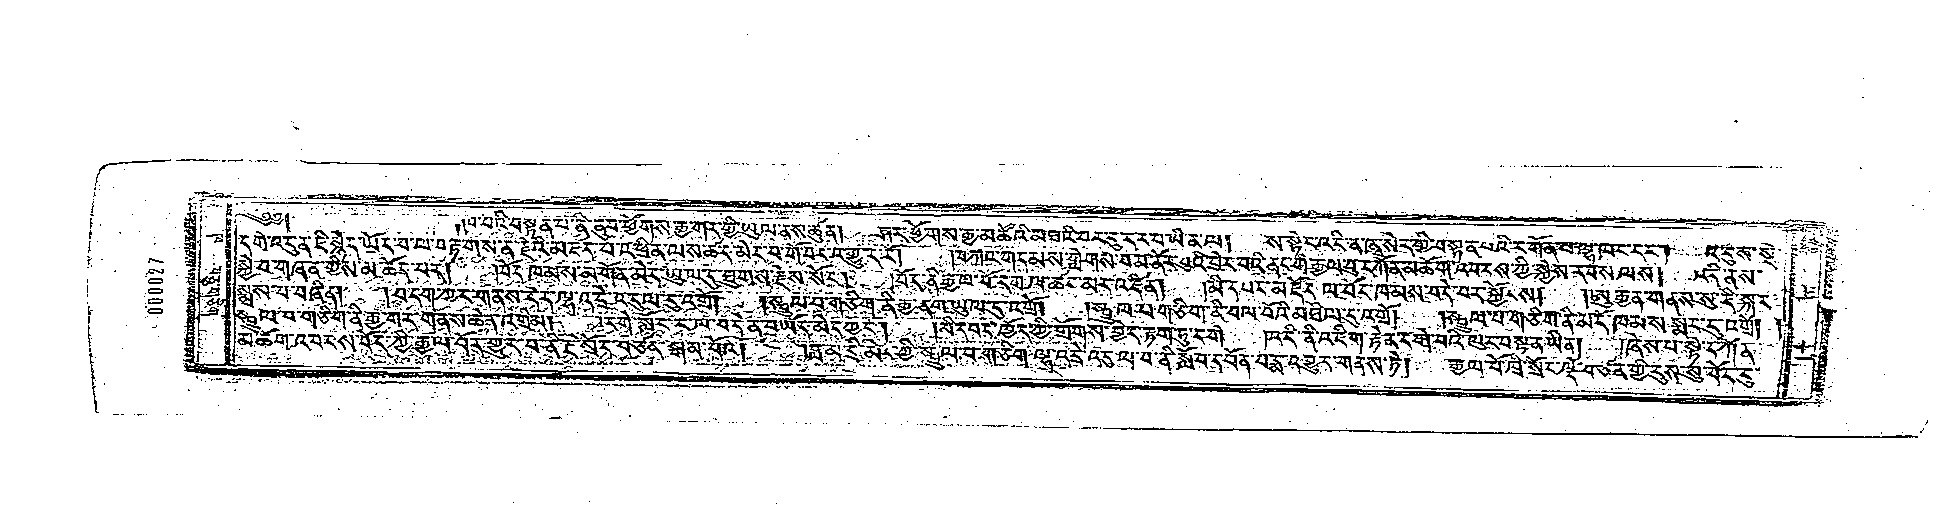༄༅། །ཁ་པའི་བསྟན་པ་ནི་ནུབ་ཕྱོགས་རྒྱ་གར་གྱི་ཡུལ་ནས་ཚུན། ཤར་ཕྱོགས་རྒྱ་མཚོའི་མཐའི་བར་དུ་དར་བ་ཡིན་ལ། ས་སྟེང་འདི་ན་ཞྭ་སེར་གྱི་བསྟན་པའི་དགོན་པ་ལྷ་ཁང་དང་། འདུས་སྡེ་
དགེ་འདུན་ཇི་སྙེད་ཡོད་པ་ལ་བརྟགས་ན་རྗེའི་མཛད་པ་འཕྲིན་ལས་ཚད་མེད་པ་གོ་བར་འགྱུར་རོ། །བཀའ་གདམས་གླེགས་བམ་ནོར་བུའི་བྲེང་བའི་ནང་གི་རྒྱལ་བུ་དཀོན་མཆོག་འབངས་ཀྱི་སྐྱེས་རབས་ལས། འདི་ནས་
སྐྱེ་བ་གཞན་གྱིས་མཆོད་པར། །བོད་ཁམས་མགོན་མེད་ཡུལ་དུ་ཐུགས་རྗེས་སོང་། །བོད་ནི་རྒྱལ་པོ་དག་ལ་ཚང་མར་འཛིན། །མི་དབང་མཛོད་ལ་བོད་ཁམས་བདེ་བར་སྐྱོངས། །ཨུ་རྒྱན་གནས་སུ་ཇི་སྐད་
སྨྲས་པ་བཞིན། །བདག་ཀྱང་གནས་དེར་ལྷ་འདྲེ་འདུལ་དུ་འགྲོ། །སྤྲུལ་བ་གཅིག་ནི་རྒྱ་ནག་ཡུལ་དུ་འགྲོ། །སྤྲུལ་པ་གཅིག་ནི་བལ་བོའི་མཐིལ་དུ་འགྲོ། །སྤྲུལ་པ་གཅིག་ནི་མདོ་ཁམས་སྨད་དུ་འགྲོ། །
སྤྲུལ་པ་གཅིག་ནི་རྒྱ་གར་གནས་ཆེན་འགྲིམ། །དགེ་སློང་ང་ལ་བདེན་པ་ཡོད་མེད་ཀྱང་། །མི་དབང་ཁྱོད་ཀྱི་གྲོགས་བྱེད་རྟག་ཏུ་དགེ །འདི་ནི་འཇིག་རྟེན་དགེ་བའི་ལུང་བསྟན་ཡིན། །ཞེས་པ་སྟེ་དཀོན་
མཆོག་འབངས་བོད་ཀྱི་རྒྱལ་བོར་གྱུར་པ་ནི་རྗེ་སྲོང་བཙན་སྒམ་པོའོ། །བླ་མ་དྲི་མེད་ཀྱི་སྤྲུལ་པ་གཅིག་ལྷ་འདྲེ་འདུལ་བ་ནི་སློབ་དཔོན་པདམ་འབྱུང་གནས་ཏེ། རྒྱལ་པོ་ཁྲི་སྲོང་ལྡེ་བཙན་གྱི་དུས་སུ་བོད་དུ་